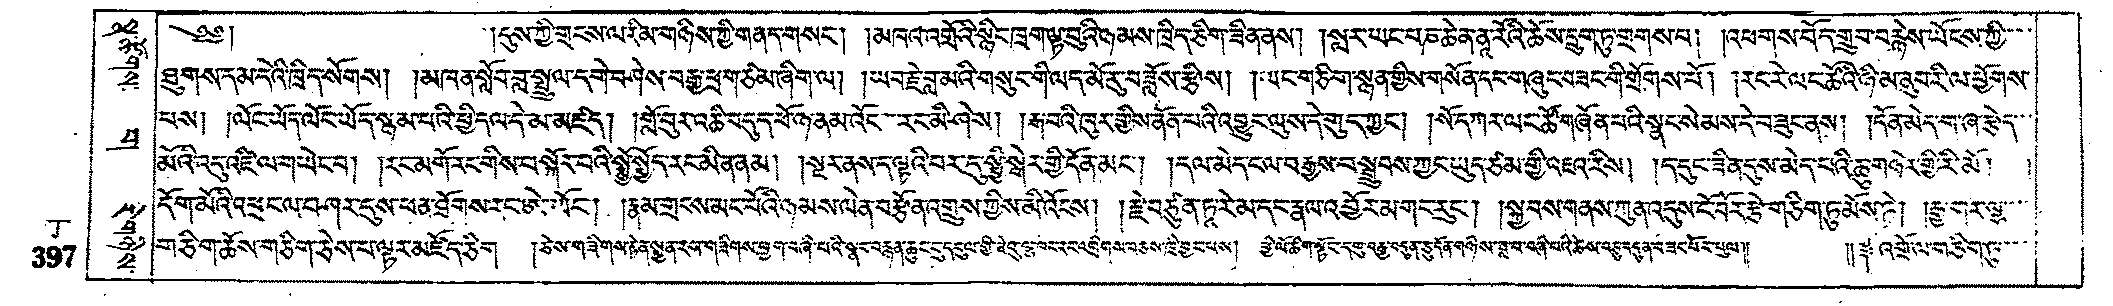༄༅། །དུས་ཀྱི་གྲངས་ལ་རིམ་གཉིས་ཀྱི་གནད་གསང་། །མཁའ་འགྲོའི་སྙིང་ཁྲག་ལྟ་བུའི་ཉམས་ཁྲིད་ཅིག་ཟིན་ནས། །སླར་ཡང་པཎ་ཆེན་ནཱ་རོའི་ཆོས་དྲུག་ཏུ་གྲགས་པ། །འཕགས་བོད་གྲུབ་བརྙེས་ཡོངས་ཀྱི་་་
ཐུགས་དམ་དེའི་ཁྲིད་སོགས། །མཁན་སློབ་བླ་སྤྲུལ་དགེ་བཤེས་བརྒྱ་ཕྲག་ཙམ་ཞིག་ལ། །ཡབ་རྗེ་བླ་མའི་གསུང་གི་ལད་མོ་རུ་བཟློས་རྩིས། །ཡང་གཅིག་སྙན་གྱིས་གསོན་དང་གཞུང་བཟང་གི་གྲོགས་པོ། །རང་རེ་ལང་ཚོའི་ཉི་མ་ནུབ་རི་ལ་ཕྱོགས་
པས། །ལོང་ཡོད་ལོང་ཡོད་སྙམ་པའི་ཕྱི་དལ་དེ་མ་མཛད། །གློ་བུར་འཆི་བདུད་ཕོ་ཉ་ནམ་འོང་་་རང་མི་ཤེས། །རྒ་བའི་ཁུར་གྱིས་ནོན་པའི་འབྱུང་ལུས་དེ་གུད་ཀྱང་། །སོ་དཀར་ལང་ཚོ་གཞོན་པའི་སྣང་སེམས་དེ་བཟུང་ནས། །དོན་མེད་ག་ཞ་རྩེད་་་
མོའི་འདུ་འཛི་ལ་གཡེང་བ། །རང་མགོ་རང་གིས་བསྐོར་བའི་སྨྱོ་སྤྱོད་རང་མིན་ནམ། །སྔར་ནས་ད་ལྟའི་བར་དུ་སྤྱི་སྒེར་གྱི་དོན་མང་། །དལ་མེད་ངལ་བརྒྱས་བསྒྲུབས་ཀྱང་ཡུད་ཙམ་གྱི་འཇའ་རིས། །ད་དུང་ཟིན་དུས་མེད་པའི་ཆུ་གཉེར་གྱི་རི་མོ། །
དོག་མོའི་འཕྲང་ལ་བཤར་དུས་ཕན་ཐོགས་རང་ཨེ་ཡོང་། །རྣམ་གྲངས་མང་པོའི་ཉམས་ལེན་བརྩོན་འགྲུས་ཀྱིས་མི་འོངས། །རྗེ་བཙུན་ཏཱ་རེ་མ་དང་རྣལ་འབྱོར་མ་གང་རུང་། །སྐྱབས་གནས་ཀུན་འདུས་ངོ་བོར་རྩེ་གཅིག་ཏུ་མོས་ཏེ། །རྒྱ་གར་ལྷ་་་
གཅིག་ཆོས་གཅིག་ཅེས་པ་ལྟར་མཛོད་ཅིག་།ཅེས་གཟིགས་རྟེན་སྤྱན་རས་གཟིགས་ཕྱག་བཞི་པའི་སྣང་བརྙན་ཆུང་ངུ་དངུལ་གྱི་ཟེའུ་ལྷ་ཁང་རང་འགྲིགས་བཅས་ཁྲི་བྱང་པས། ཕྱི་ལོ་ཆིག་སྟོང་དགུ་བརྒྱ་བདུན་ཅུ་དོན་གཉིས་ཟླ་བ་བཞི་པའི་ཚེས་བཅུ་བདུན་བཟང་པོར་ཕུལ།།  །།འ་འགྲོ་ལ་གཅིག་ཏུ་་་